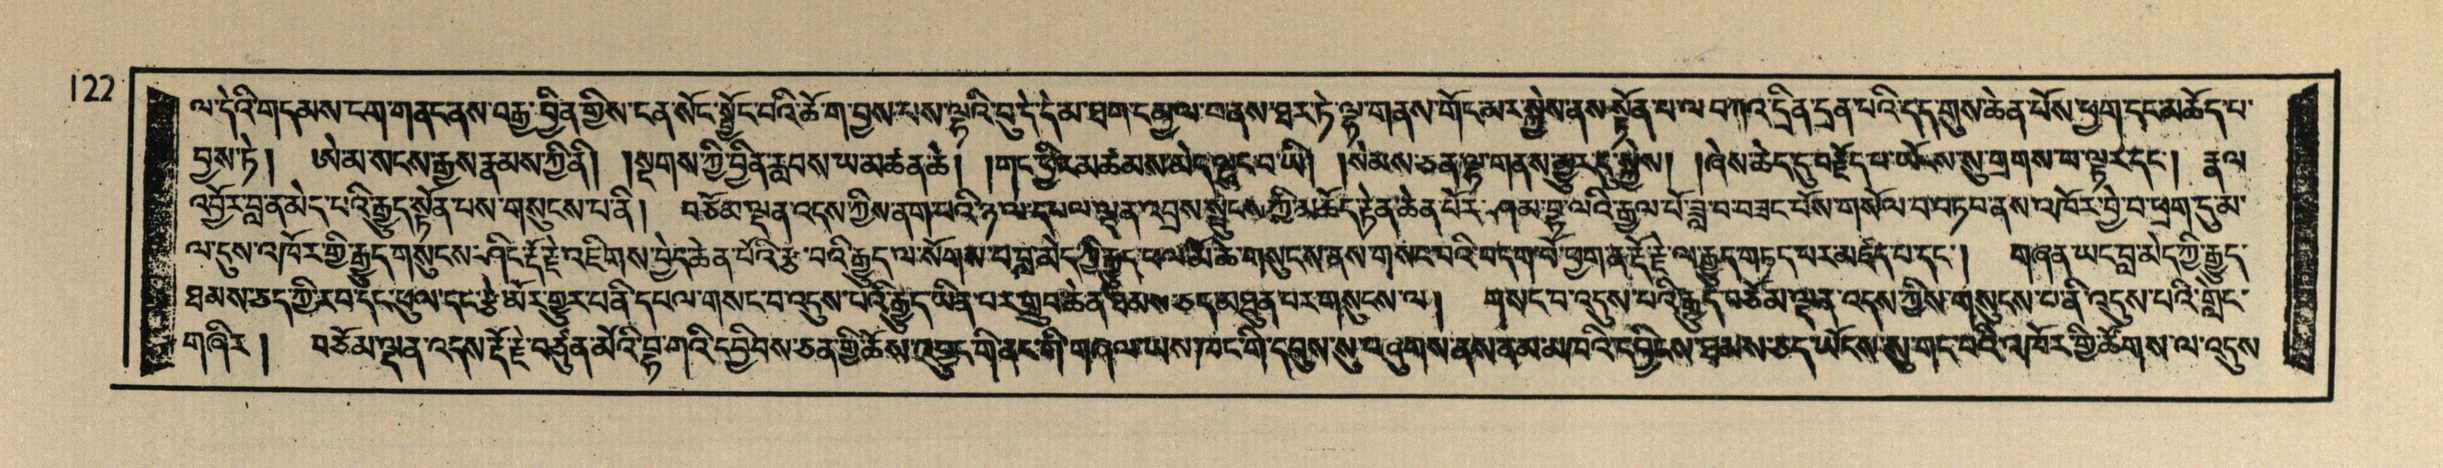ལ་དེའི་གདམས་ངག་གནང་ནས་བརྒྱ་བྱིན་གྱིས་ངན་སོང་སྦྱོང་བའི་ཆོ་ག་བྱས་པས་ལྷའི་བུ་དེ་དེ་མ་ཐག་དམྱལ་བ་ནས་ཐར་ཏེ་ལྷ་གནས་གོང་མར་སྐྱེས་ནས་སྟོན་པ་ལ་བཀའ་དྲིན་དྲན་པའི་དད་གུས་ཆེན་པོས་ཕྱག་དང་མཆོད་པ་
བྱས་ཏེ། ཨེ་མ་སངས་རྒྱས་རྣམས་ཀྱི་ནི། །སྔགས་ཀྱི་བྱིན་རླབས་ཡ་མཚན་ཆེ། །གང་ཕྱིར་མཚམས་མེད་ལྷུང་བ་ཡི། །སེམས་ཅན་ལྷ་གནས་མྱུར་དུ་སྐྱེས། །ཞེས་ཆེད་དུ་བརྗོད་པ་ཡོངས་སུ་གྲགས་པ་ལྟར་དང་། རྣལ་
འབྱོར་བླ་ན་མེད་པའི་རྒྱུད་སྟོན་པས་གསུངས་པ་ནི། བཅོམ་ལྡན་འདས་ཀྱིས་ནག་པའི་ཉ་ལ་དཔལ་ལྡན་འབྲས་སྤུངས་ཀྱི་མཆོད་རྟེན་ཆེན་པོར་ཤམ་བྷ་ལའི་རྒྱལ་པོ་ཟླ་བ་བཟང་པོས་གསོལ་བ་བཏབ་ནས་འཁོར་བྱེ་བ་ཕྲག་དུ་མ་
ལ་དུས་འཁོར་གྱི་རྒྱུད་གསུངས་ཤིང་རྡོ་རྗེ་འཇིགས་བྱེད་ཆེན་པོའི་རྩ་བའི་རྒྱུད་ལ་སོགས་པ་བླ་མེད་ཀྱི་རྒྱུད་ཕལ་མོ་ཆེ་གསུངས་ནས་གསང་བའི་བདག་པོ་ཕྱག་ན་རྡོ་རྗེ་ལ་རྒྱུད་གཏད་པར་མཛད་པ་དང་། གཞན་ཡང་བླ་མེད་ཀྱི་རྒྱུད་
ཐམས་ཅད་ཀྱི་རབ་དང་ཕུལ་དང་རྩེ་མོར་གྱུར་པ་ནི་དཔལ་གསང་བ་འདུས་པའི་རྒྱུད་ཡིན་པར་གྲུབ་ཆེན་ཐམས་ཅད་མཐུན་པར་གསུངས་ལ། གསང་བ་འདུས་པའི་རྒྱུད་བཅོམ་ལྡན་འདས་ཀྱིས་གསུངས་པ་ནི་འདུས་པའི་གླེང་
གཞིར། བཅོམ་ལྡན་འདས་རྡོ་རྗེ་བཙུན་མོའི་བྷ་གའི་དབྱིབས་ཅན་གྱི་ཆོས་འབྱུང་གི་ནང་གི་གཞལ་ཡས་ཁང་གི་དབུས་སུ་བཞུགས་ནས་ནམ་མཁའི་དབྱིངས་ཐམས་ཅད་ཡོངས་སུ་གང་བའི་འཁོར་གྱི་ཚོགས་ལ་འདུས་